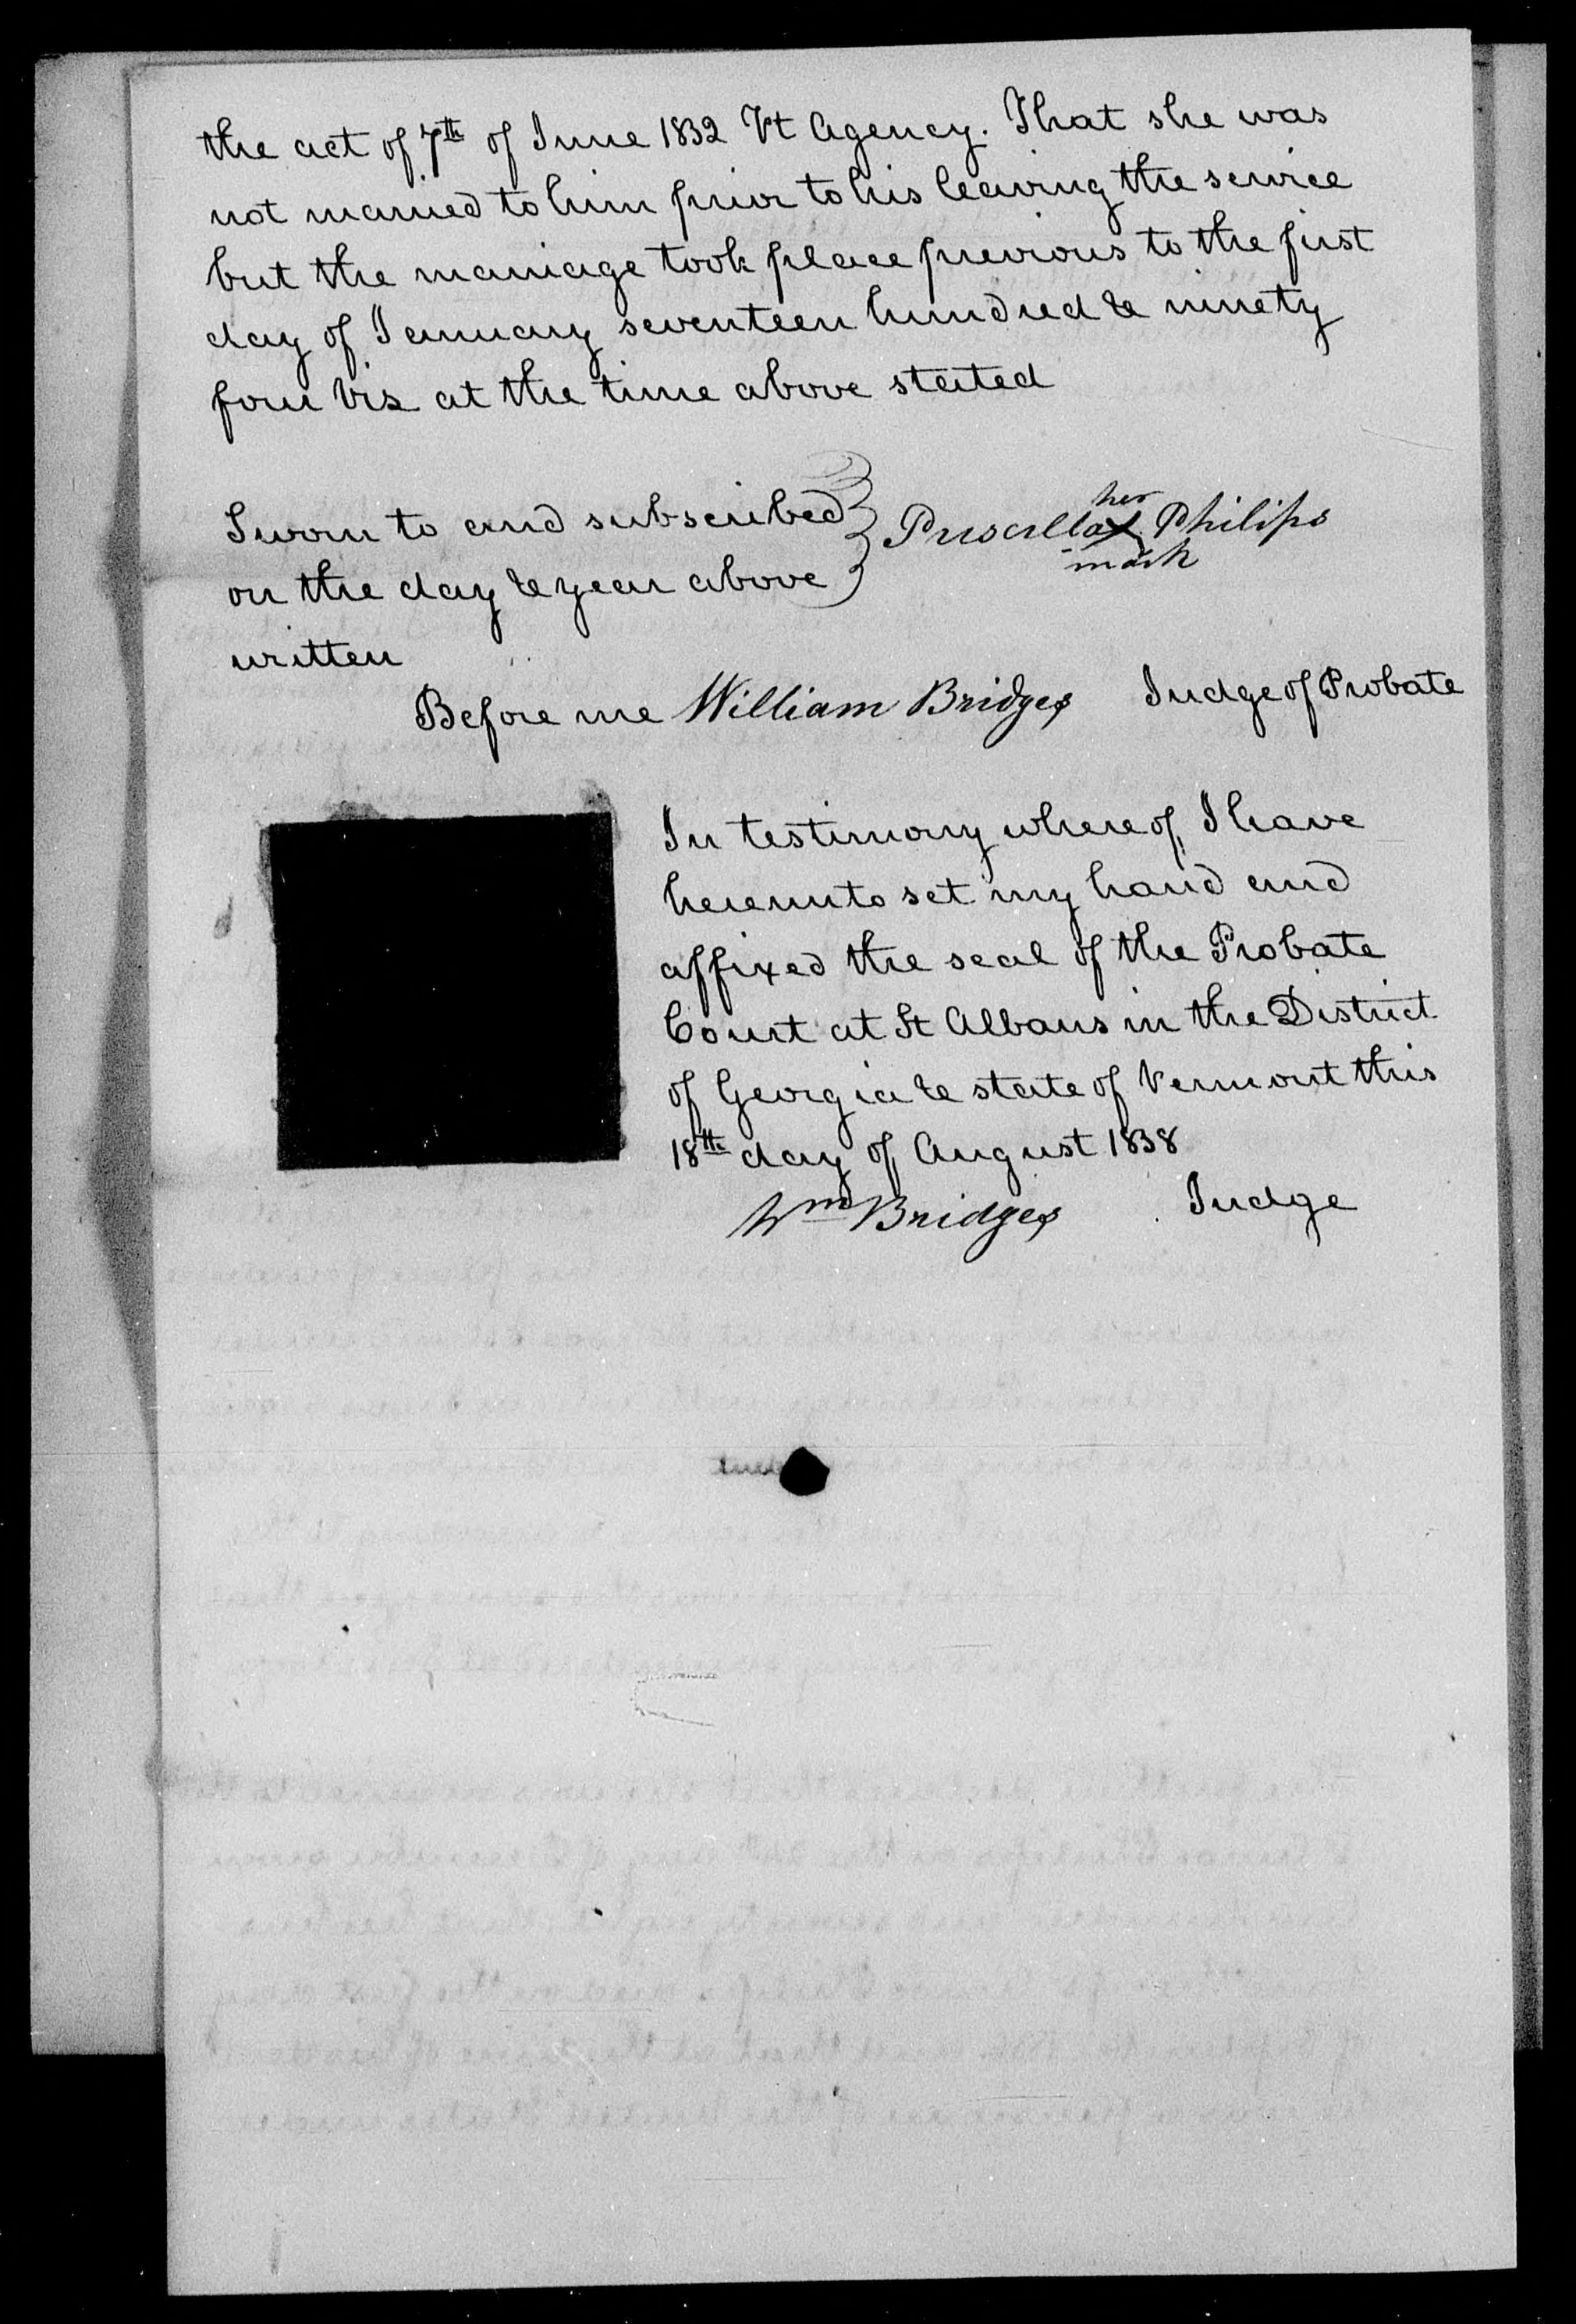the act of 7th of June 1832 Vt agency. That she was not married to him prior to his leaving the service but the marriage took place previous to the first day of January Seventeen hundred & ninety four Yrs at the time above stated Sworn to and subscribed on the day & year above written
Priscilla her X mark Philips Before me William Bridges Judge of Probate In testimony whereof I have hereunto set my hand and affixed the seal of the Probate Court at St Albans in the District
of Georgia & state of Vermont this 18th day of August 1838 Wm Bridges Judge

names: William Bridges; Priscilla Philips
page: 10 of 26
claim: widow's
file: W. 26,886, for Amos Phillips, Massachusetts